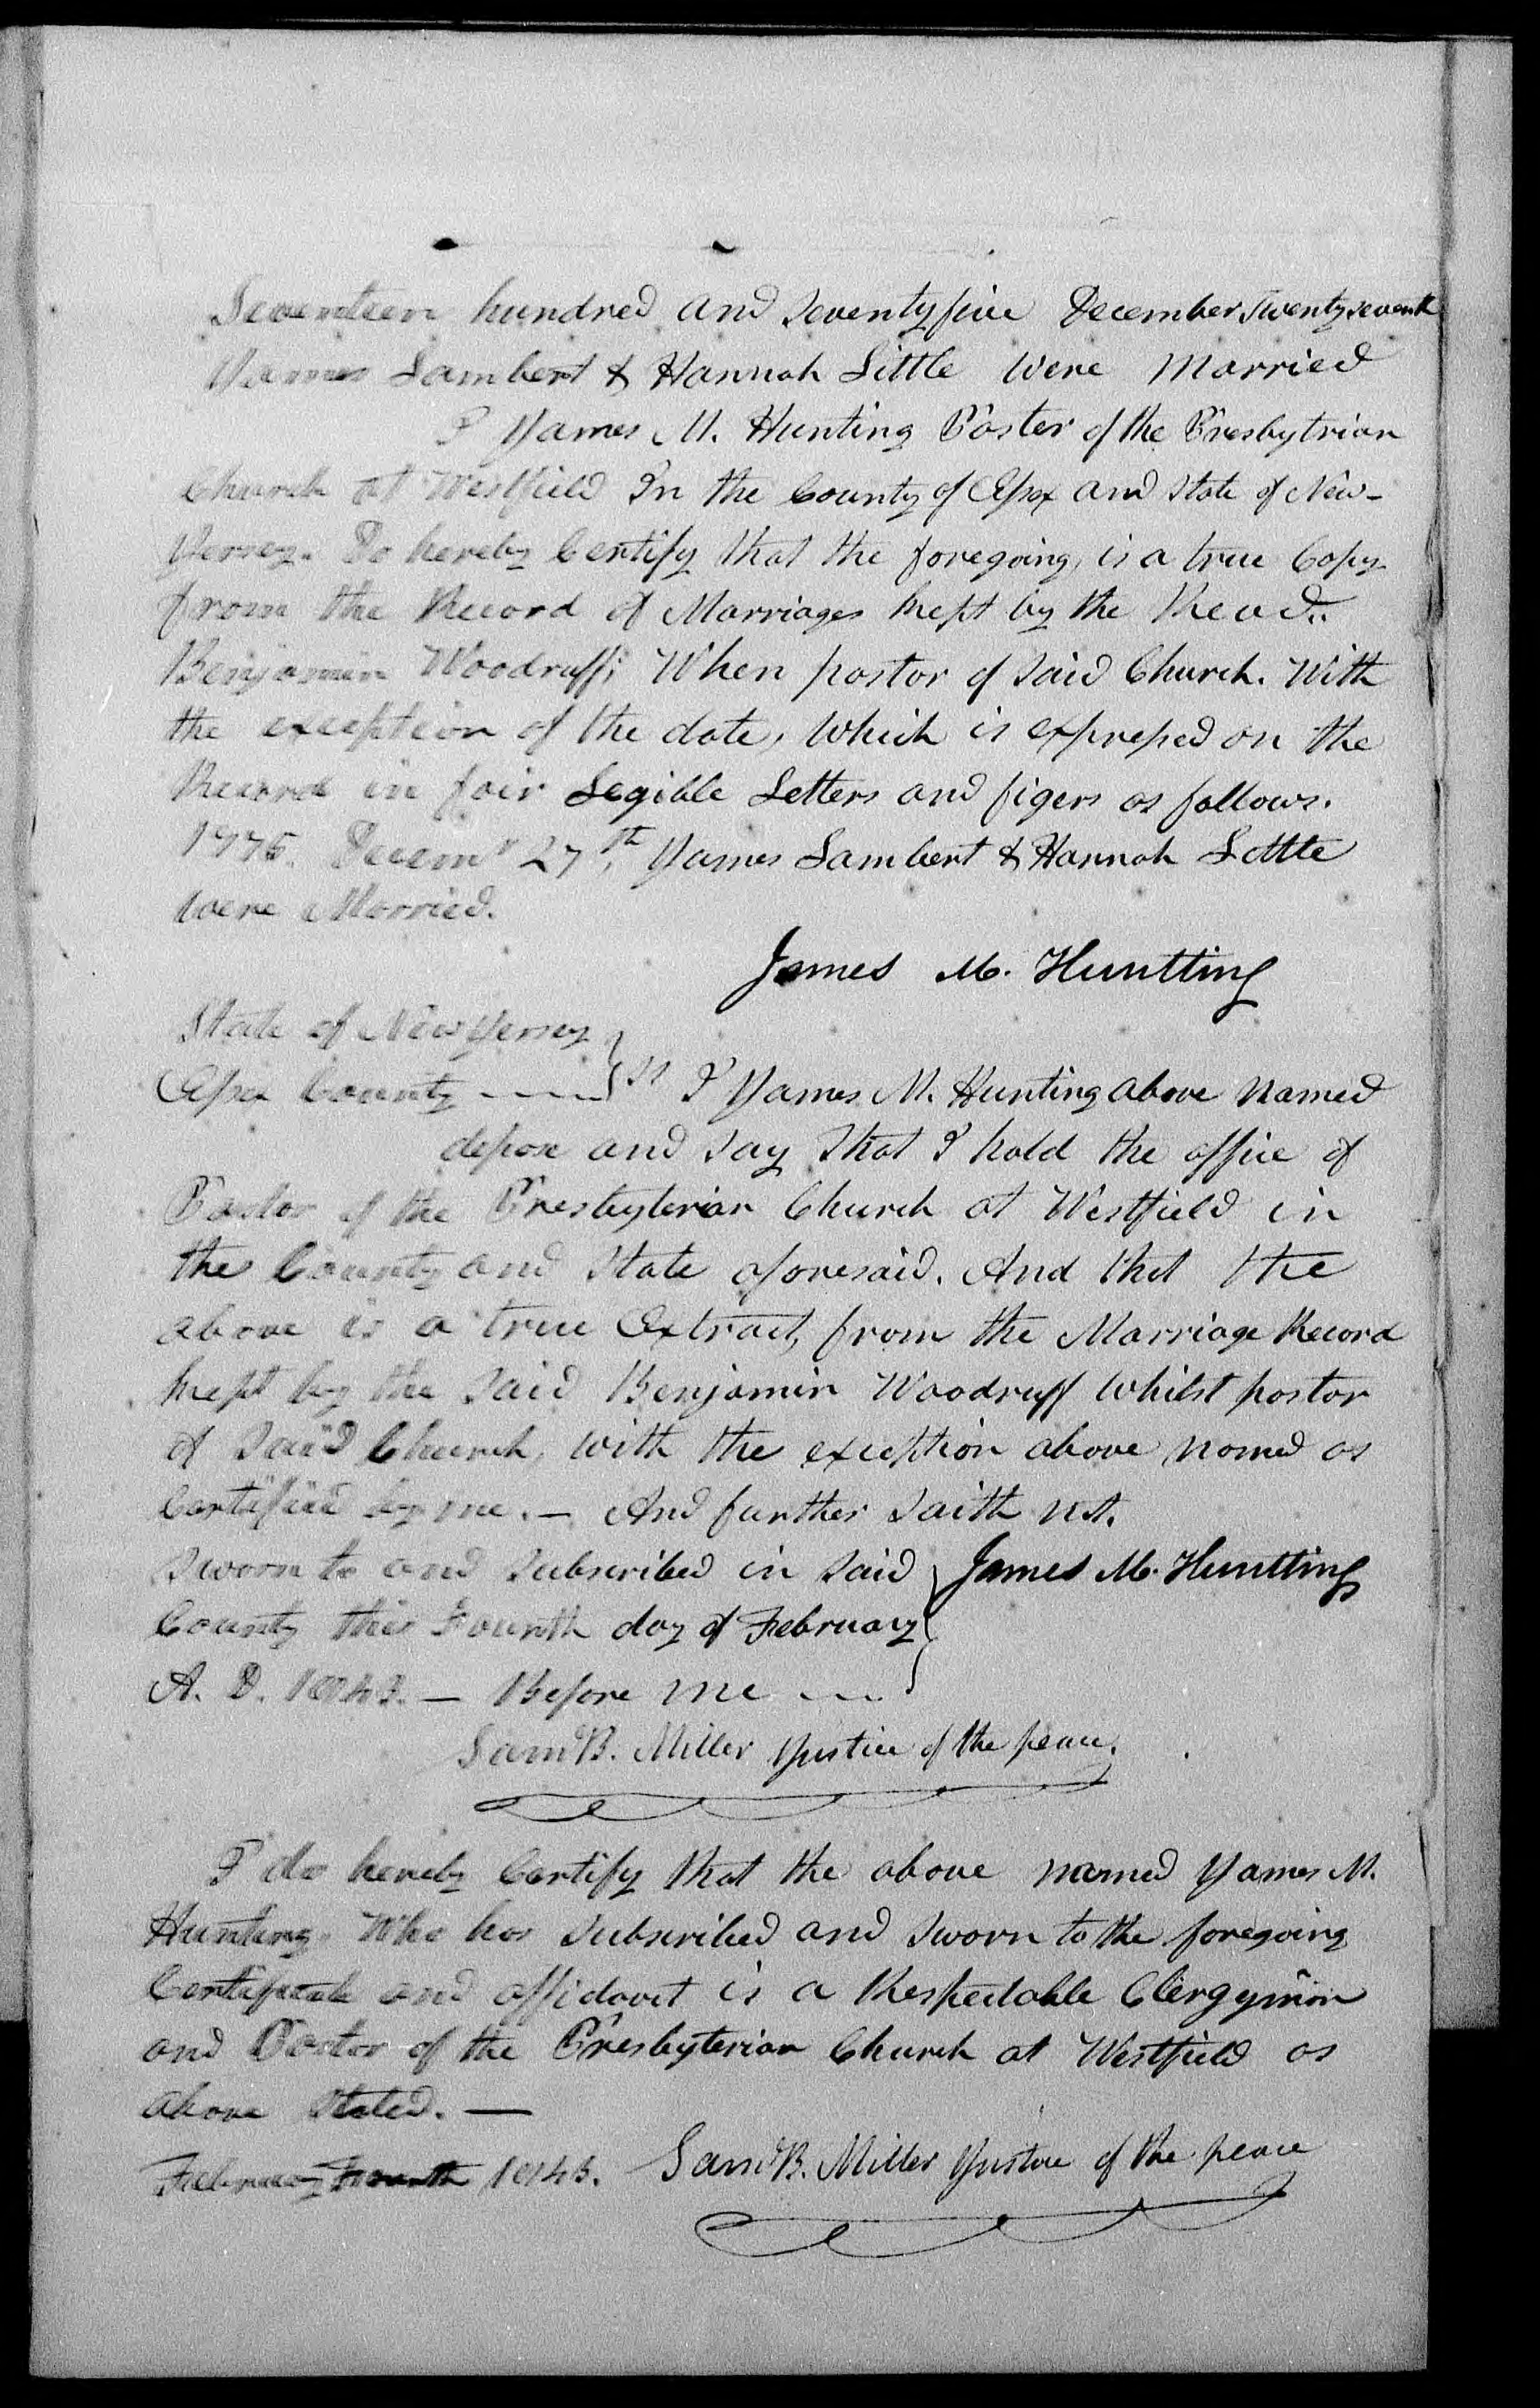Seventeen hundred and Seventy five December Twenty seven James Lambert & Hannah Little Were Married
I James M. Hunting Pastor of the Presbyterian
Church of Westfield in the County of Essex and State of New Jersey. Do hereby certify that the foregoing is a true Copy from the Record of Marriages kept by the Revd Benjamin Woodruff, When Pastor of said Church. With
exception of the date, which is expressed on the record in fair Legible letters and figers as follows.
1776 Decemr 27th James Lambert & Hannah Little were Married
James M. Hunting

State of New Jersey
Essex County I James M. Hunting above named
depose and say that I hold the office of
Pastor of the Presbyterian Church at Westfield in the County and State aforesaid. And that the
above is a true Extract from the Marriage Record kept by the said Benjamin Woodruff whilst pastor of Said Church with the exception above named as Certified by me. And further saith not.
James M hunting
Sworn to and subscribed in said County this Fourth day of February A.D. 1842. Before me
Saml B. Miller Justice of the peace
I do hereby certify that the above named James M. Hunting who has subscribed and sworn to the foregoing Certificate and affidavit is a respectable clergyman and Pastor of the Presbyterian Church at Westfield as above stated.
February Fourth 1846. Saml B. Miller Justice of the peace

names: Hannah Little; James Lambert; Benjamin Woodruff; James M Hunting; Saml B Miller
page: 18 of 49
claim: widow's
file: W. 859, for James Lambert, New Jersey